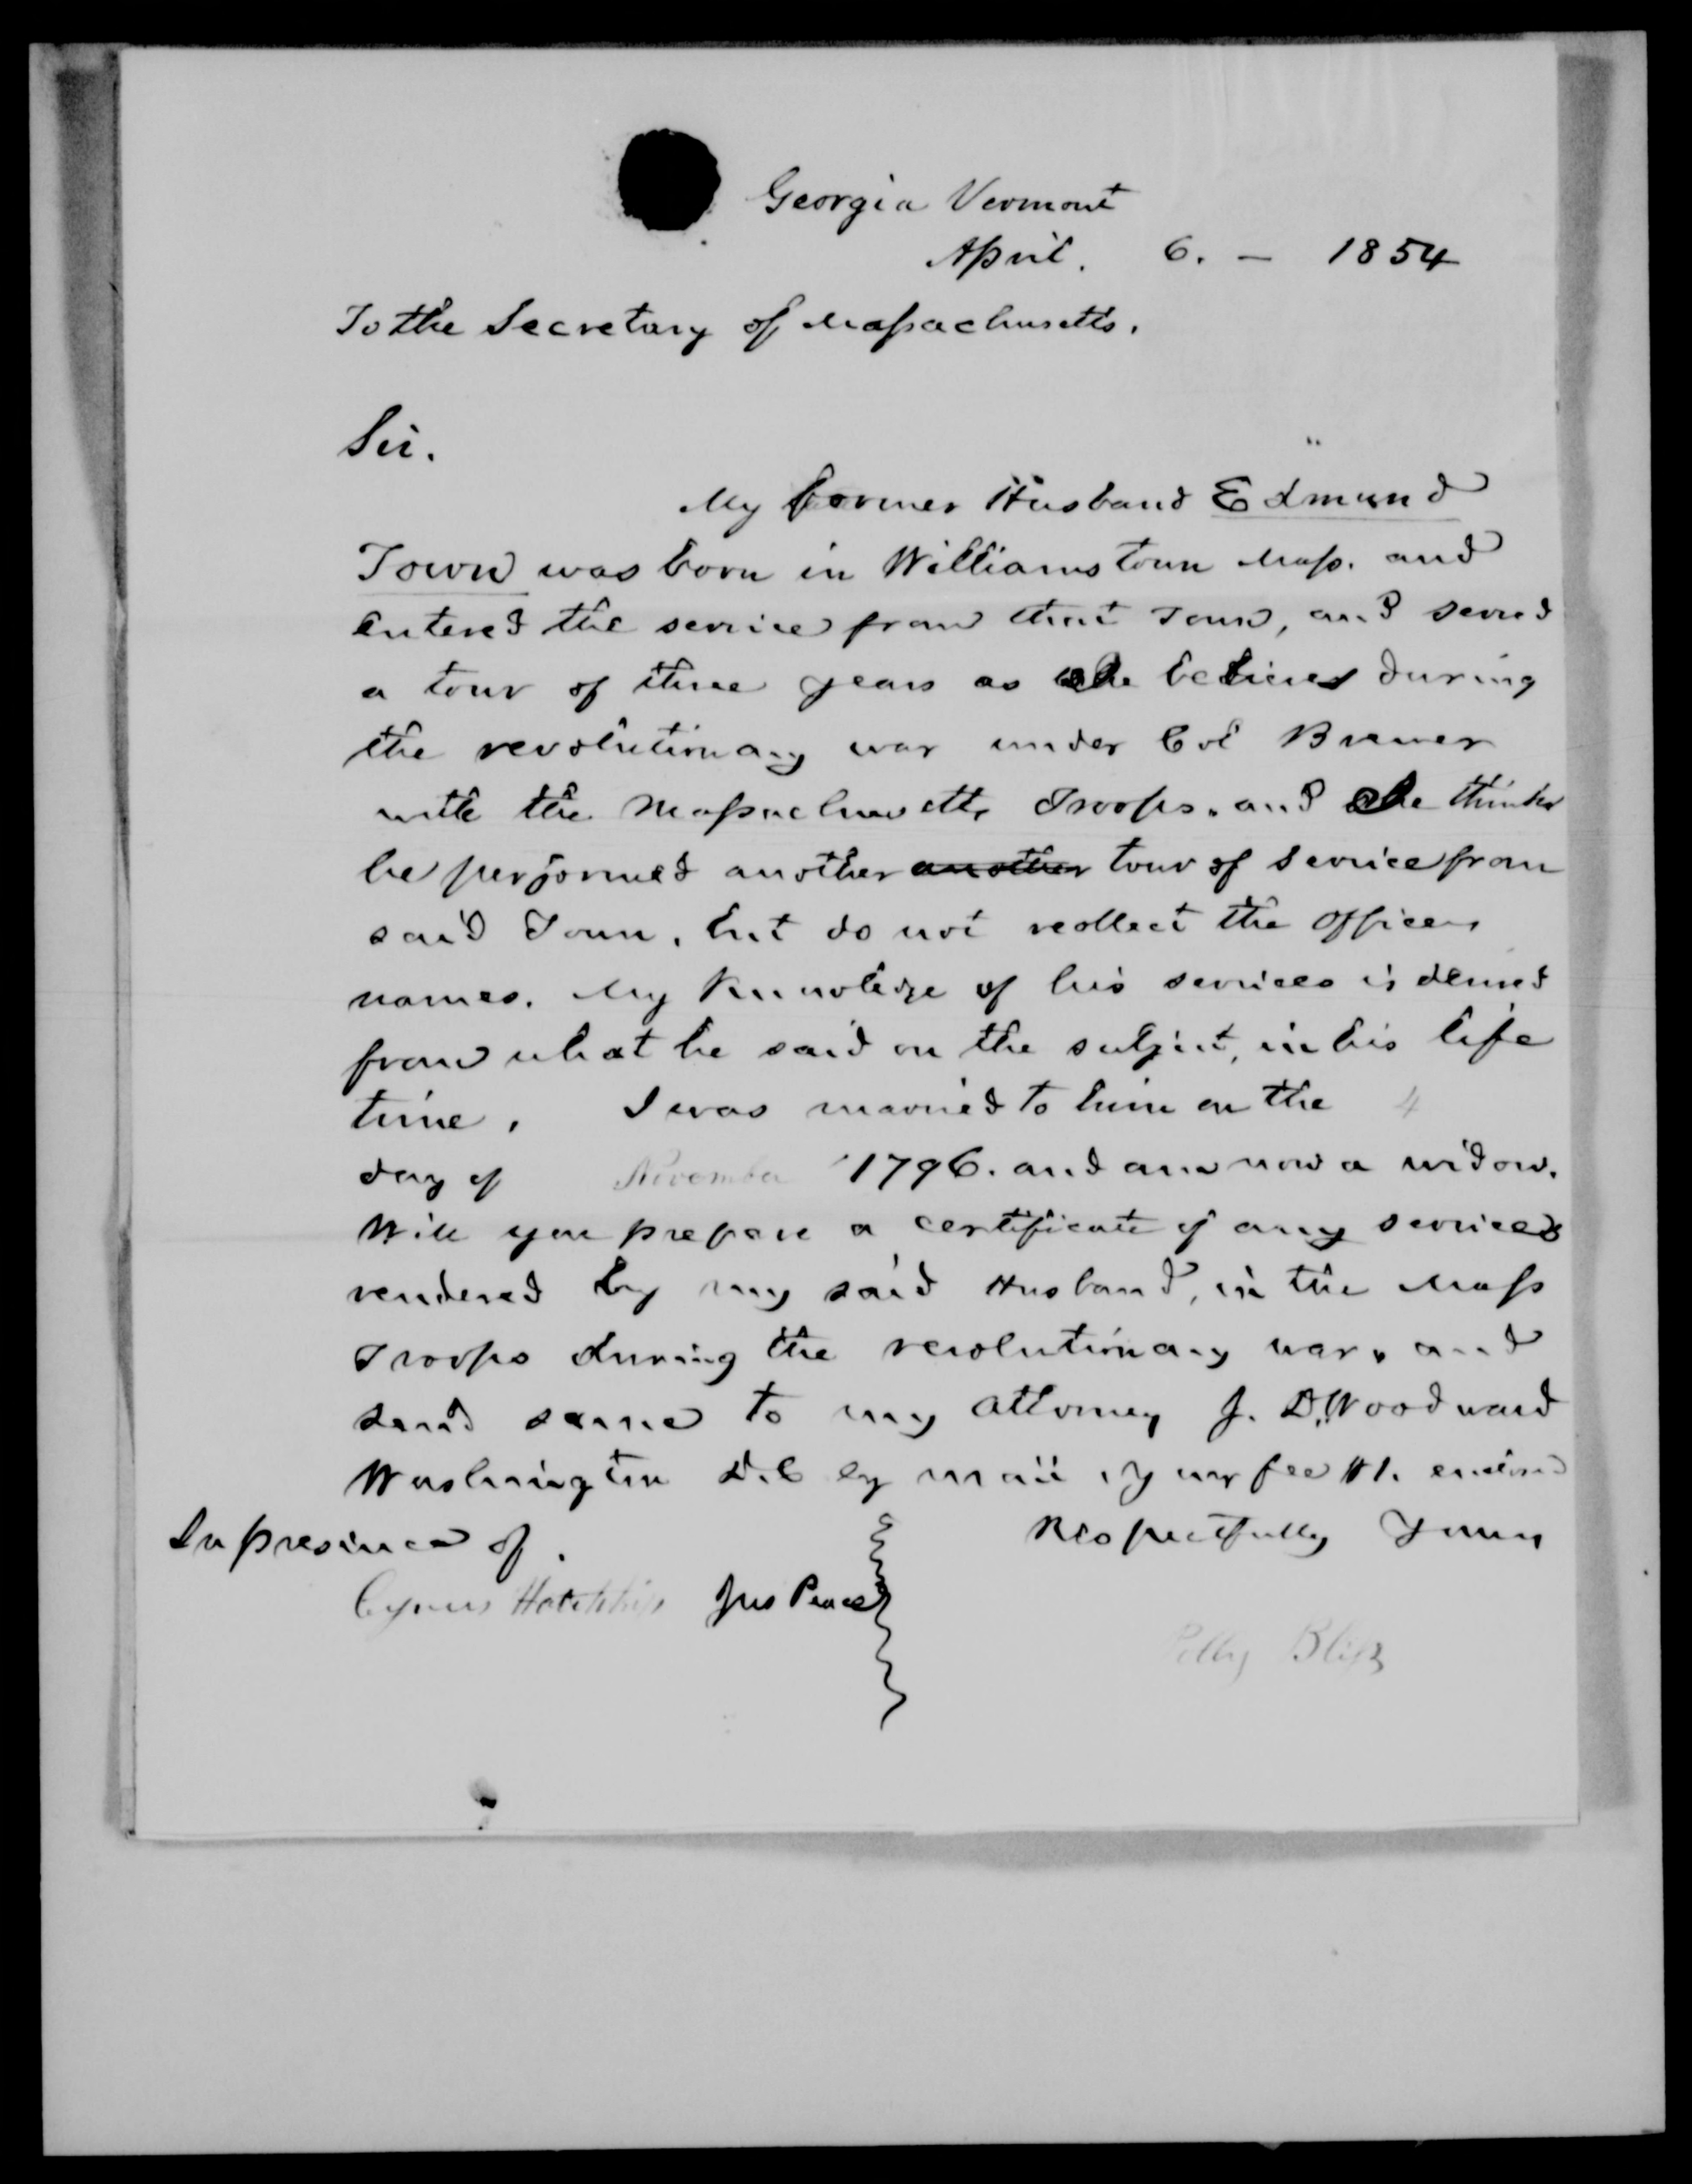Georgia Vermont
April 6 - 1854
To the Secretary of Massachusetts,
Sir,
My former husband Edmund Town was born in Williamstown Mass. and entered the service from that town, and served a tour of three years as she believes during the revolutionary war under Col Brewer with the Massachusetts [illegible] and [illegible] thinks he performed another tour of service from said town, but do not recollect the officers names. My knowledge of his services is derived from what he said on the subject in his life time. I was married to him on the 4 day of November 1796 and am now a widow. Will you prepare a certificate of any services rendered by my said husband in the Mass troops during the revolutionary war and send same to my attorney J. D. Woodward Washington D.C. by mail your fee $1 enclosed. 
In presence of
Cyrus Hotchkiss Jus [Justice of} Peace
Respectfully yours
Polly Bliss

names: Cyrus Hotchkiss, Polly Bliss, Edmund Town, Brewer, J D Woodward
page: 64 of 64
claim: widow's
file: W. 5831, Edmund Town, Mass.